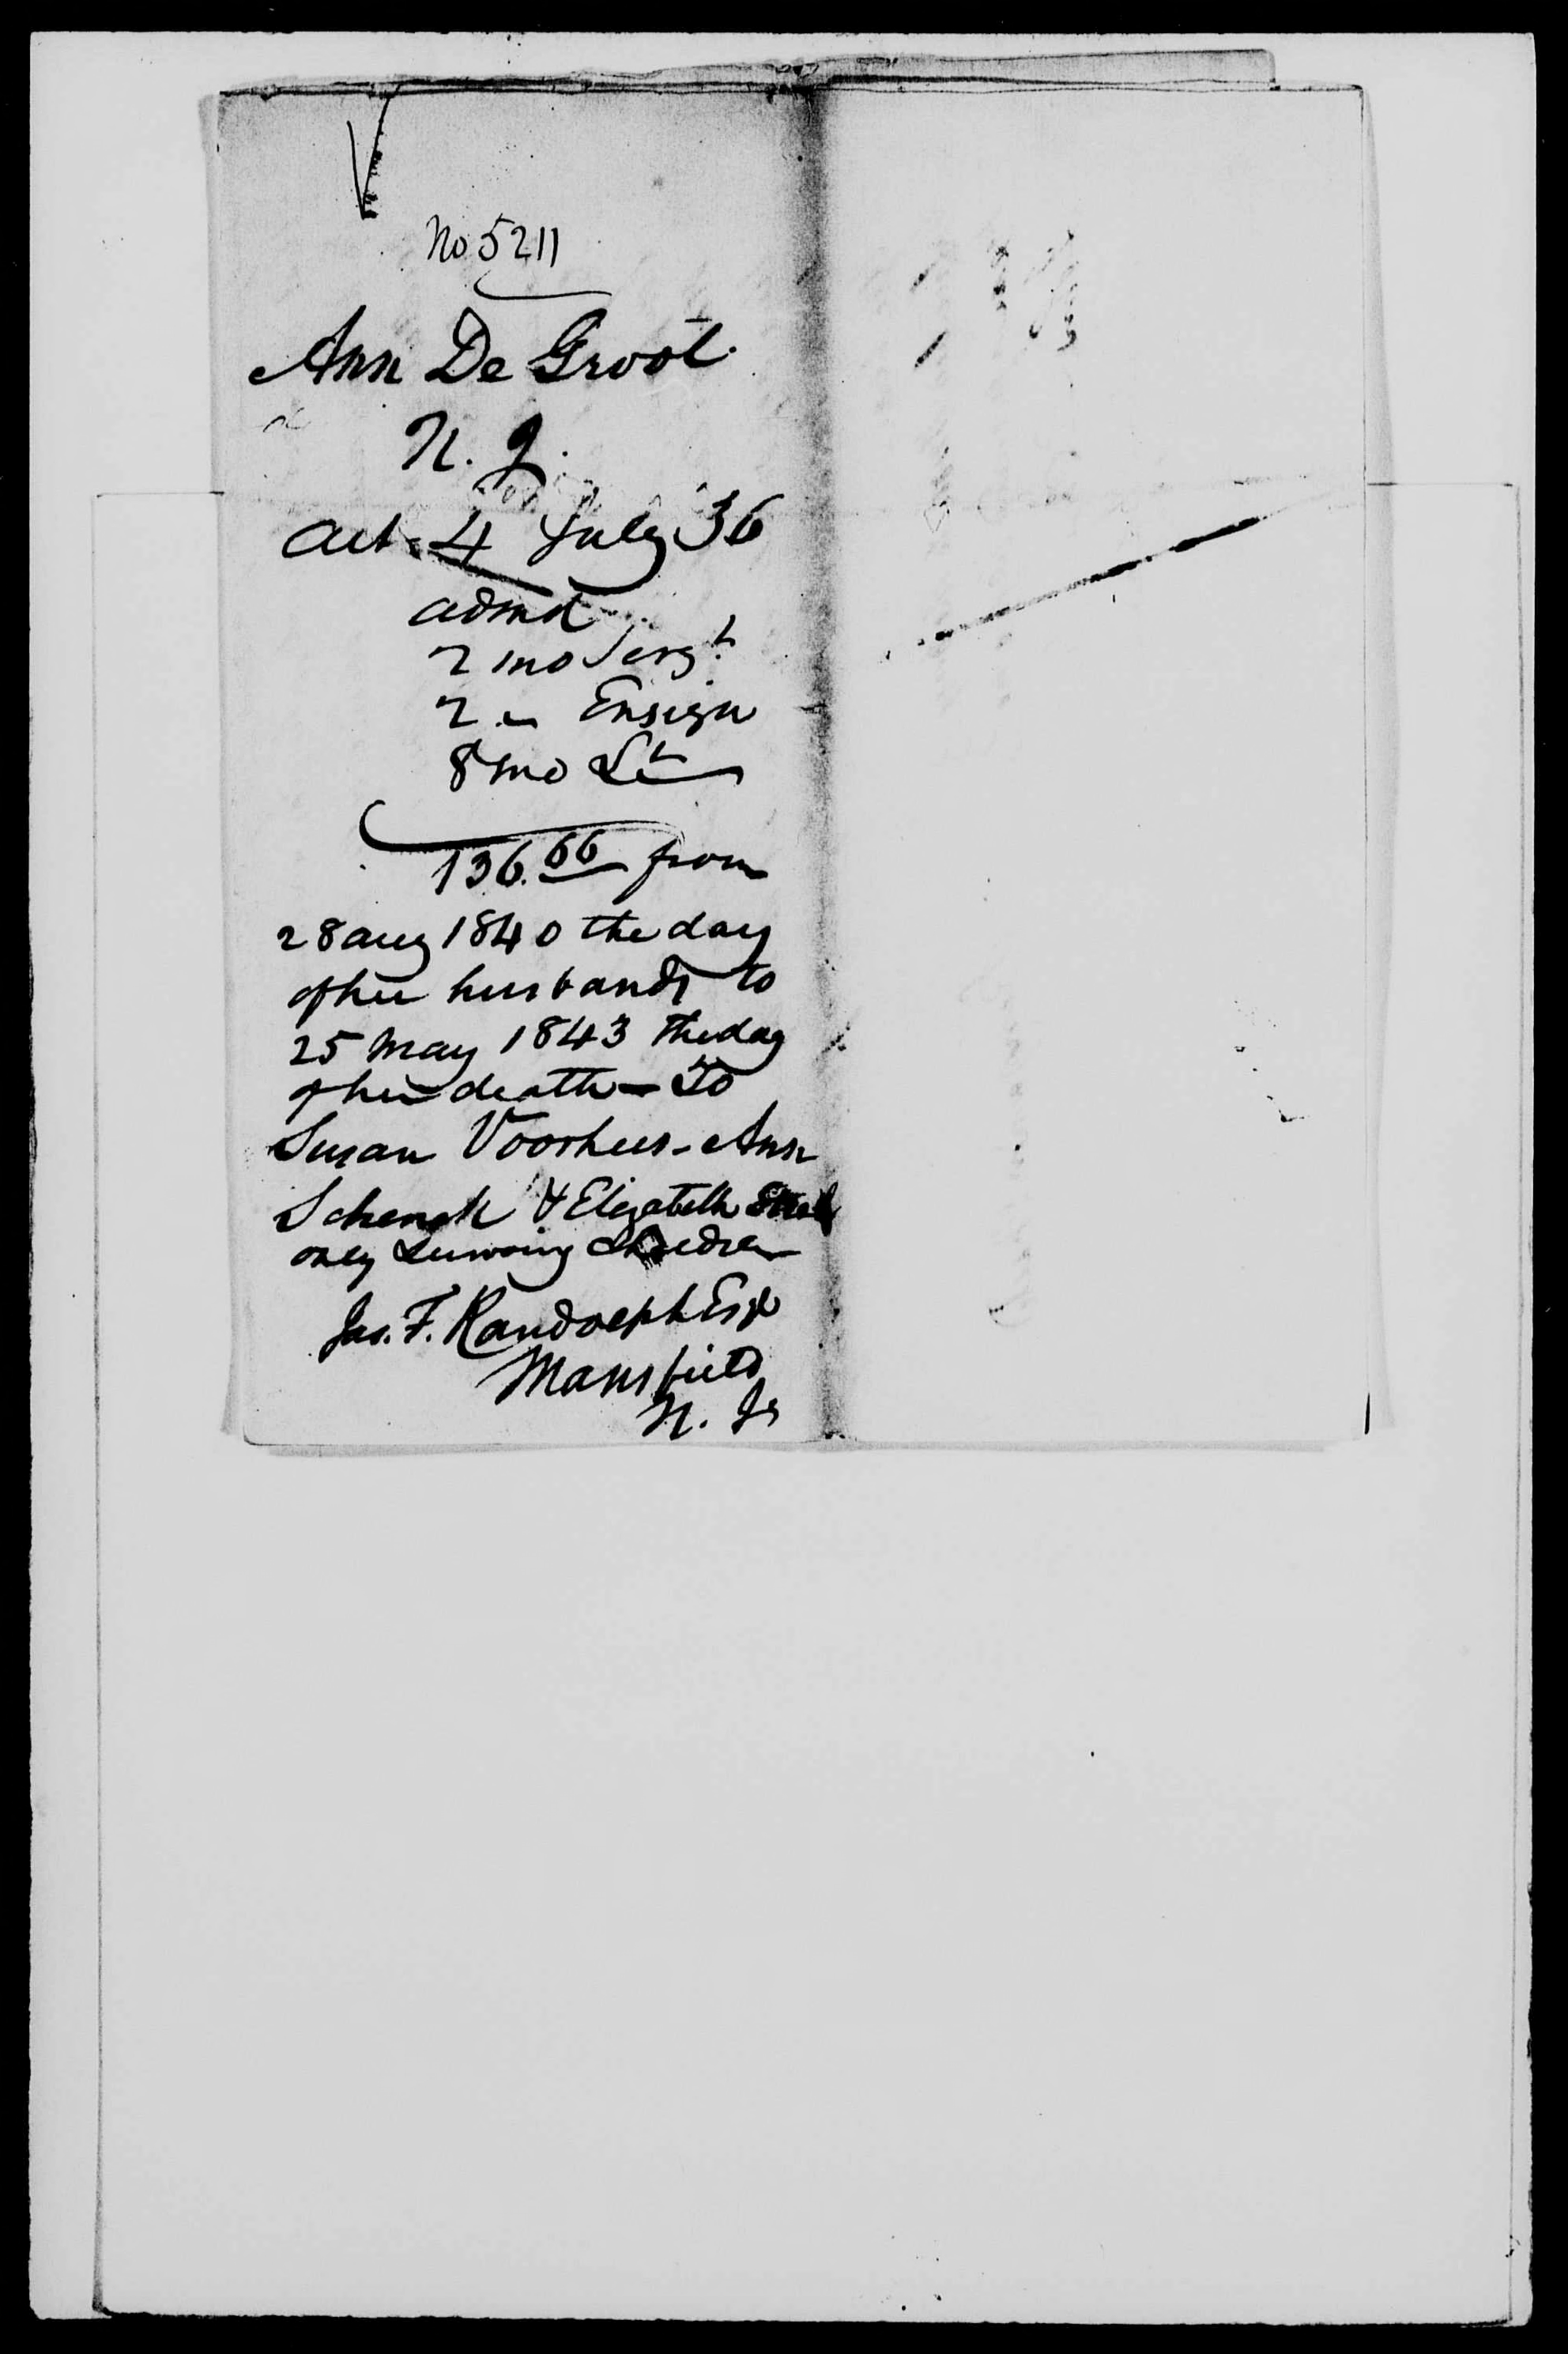No 5211
Ann De Groot N. J. 
Act 4 July '36
admd
2 mo Sergt
2 m Ensign
8 mo Lieut
28 aug 1840 the day of her husbands to 25 may 1843 the day of her death - To Susan Voorhees, Ann Schenck & Elizabeth Steele only surviving children
[signed] Jas. F. Randolph Esq Mansfield N. J.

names: Jas F Randolph, Ann Schenck, Elizabeth Steel, Ann De Groot, Susan Voorhees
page: 46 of 77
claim: widow's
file: W. 417, William De Groot, New Jersey